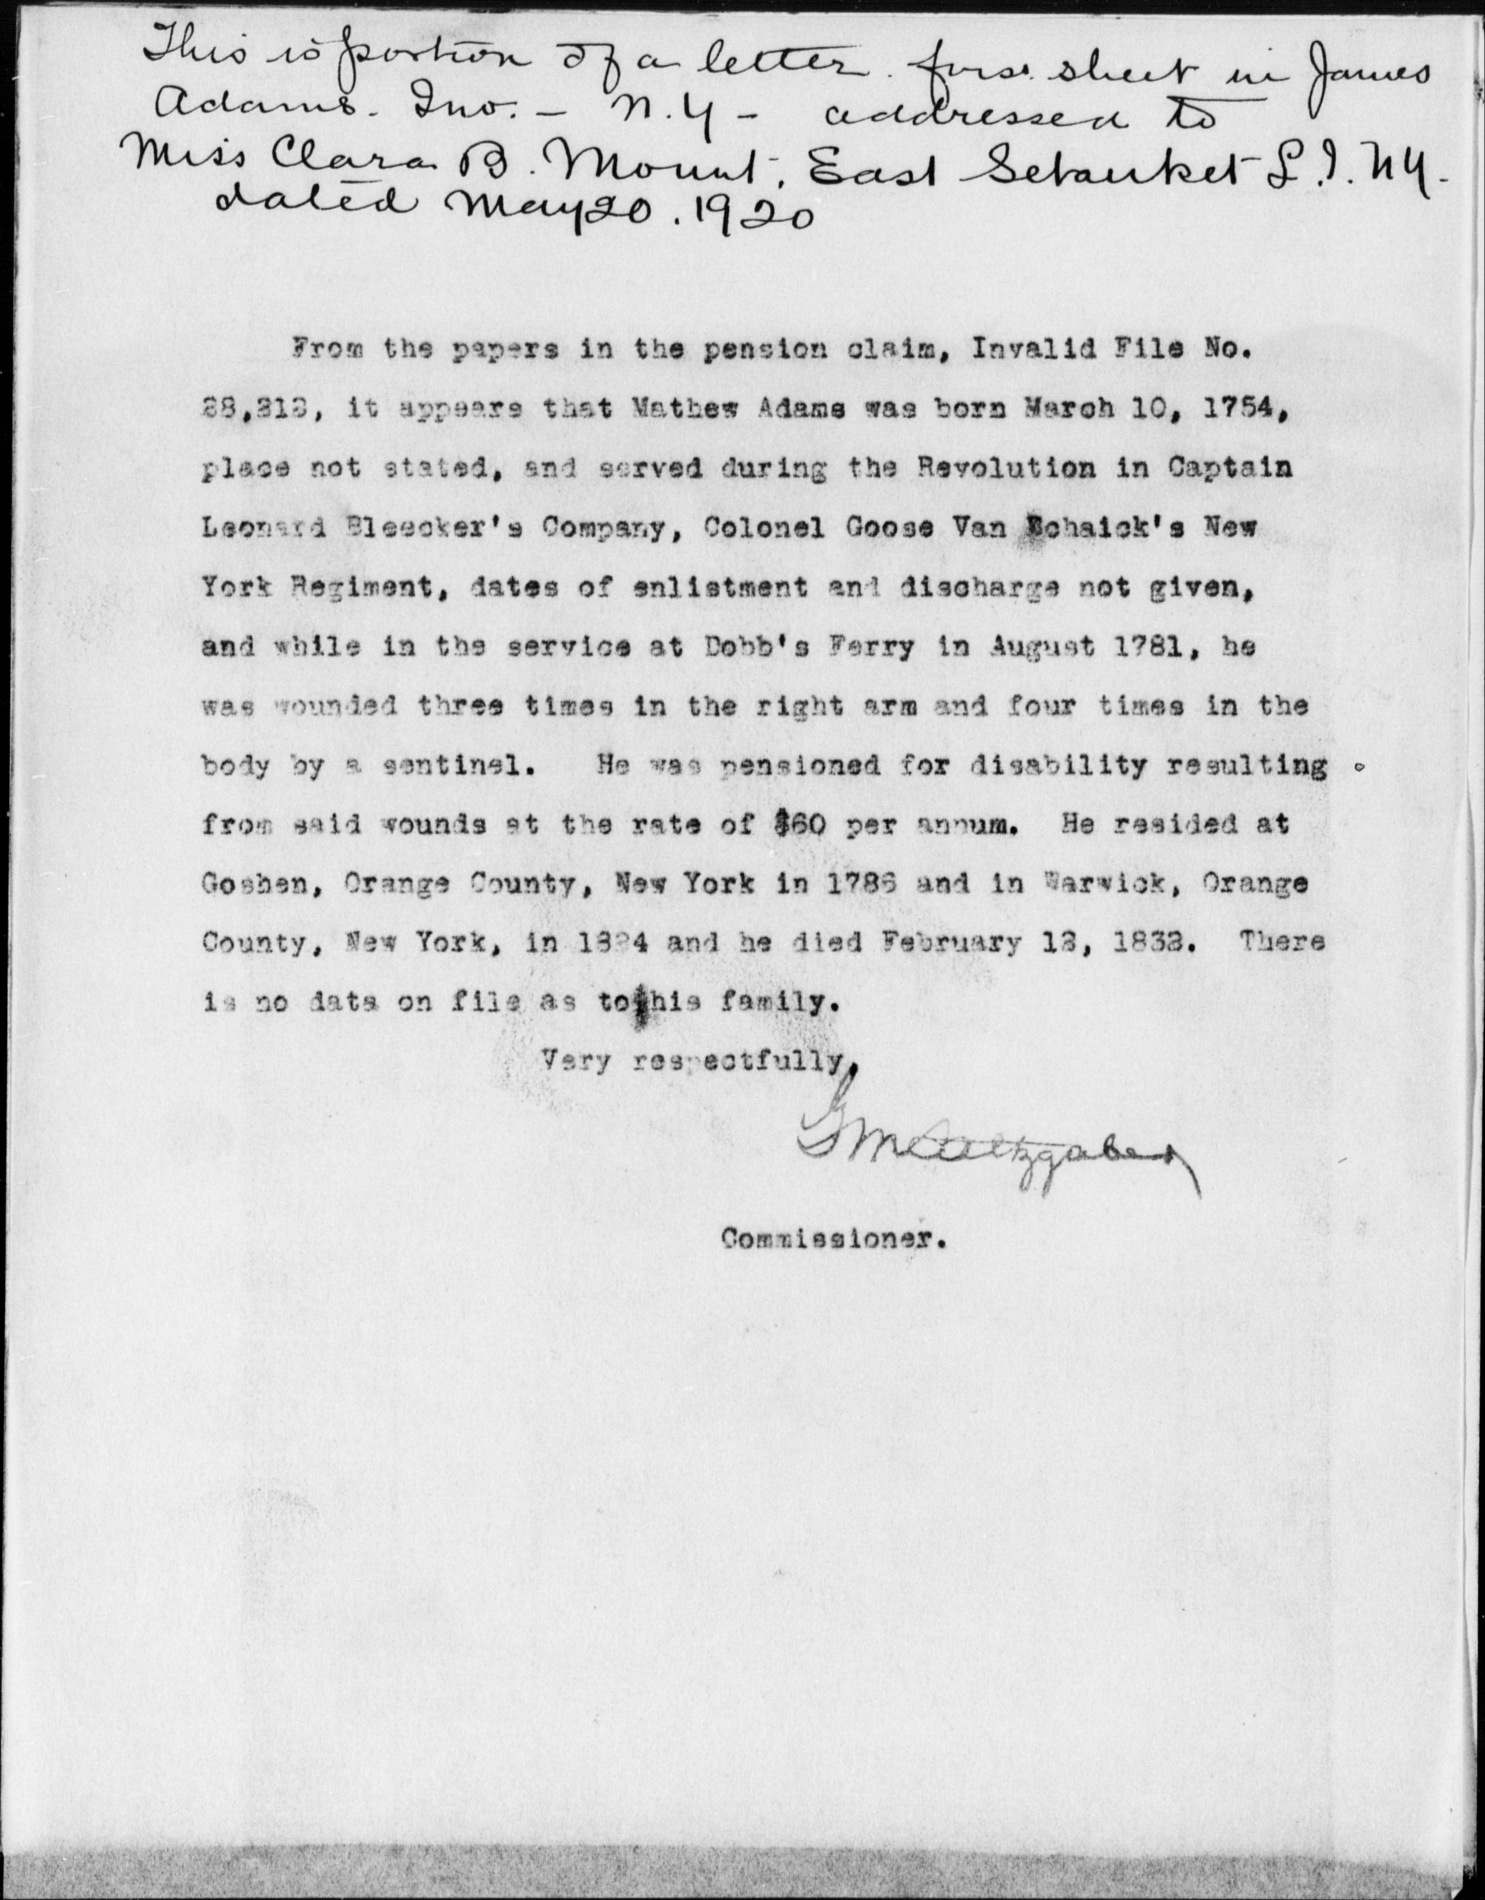This is a portion First sheet in James Adams. Ino. N.Y. Addressed to Miss Clara B. Mount, East Setauket, L. I.NY
Dated May 20, 1920

From the papers in the pension claim, invalid file number 2028, 319, it appears that Matthew Adams was born March 10, 1754, place not stated, and served The revolution in Captain Leonard, Bleecker’s company, Colonel Goose Van Echaick’s New York regiment, dates of enlistment and discharge not given, and while in the service at Dobbs ferry in August 1781, he was wounded three times in the right arm and four times in the body by a sentinel. He was pensioned for disability, resulting from said wounds at the rate of.$60 per annum. He resided at Goshen, New York, in 1824 and he died February 12, 1832. There is no data on file as to his family.
Very respectfully,
GM Salzgabber
Commissioner.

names: James Adams, Clara B Mount, G M Saltzgaber, Mathew Adams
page: 7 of 13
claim: survivor's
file: S. 28,212, Mathew Adams, New York